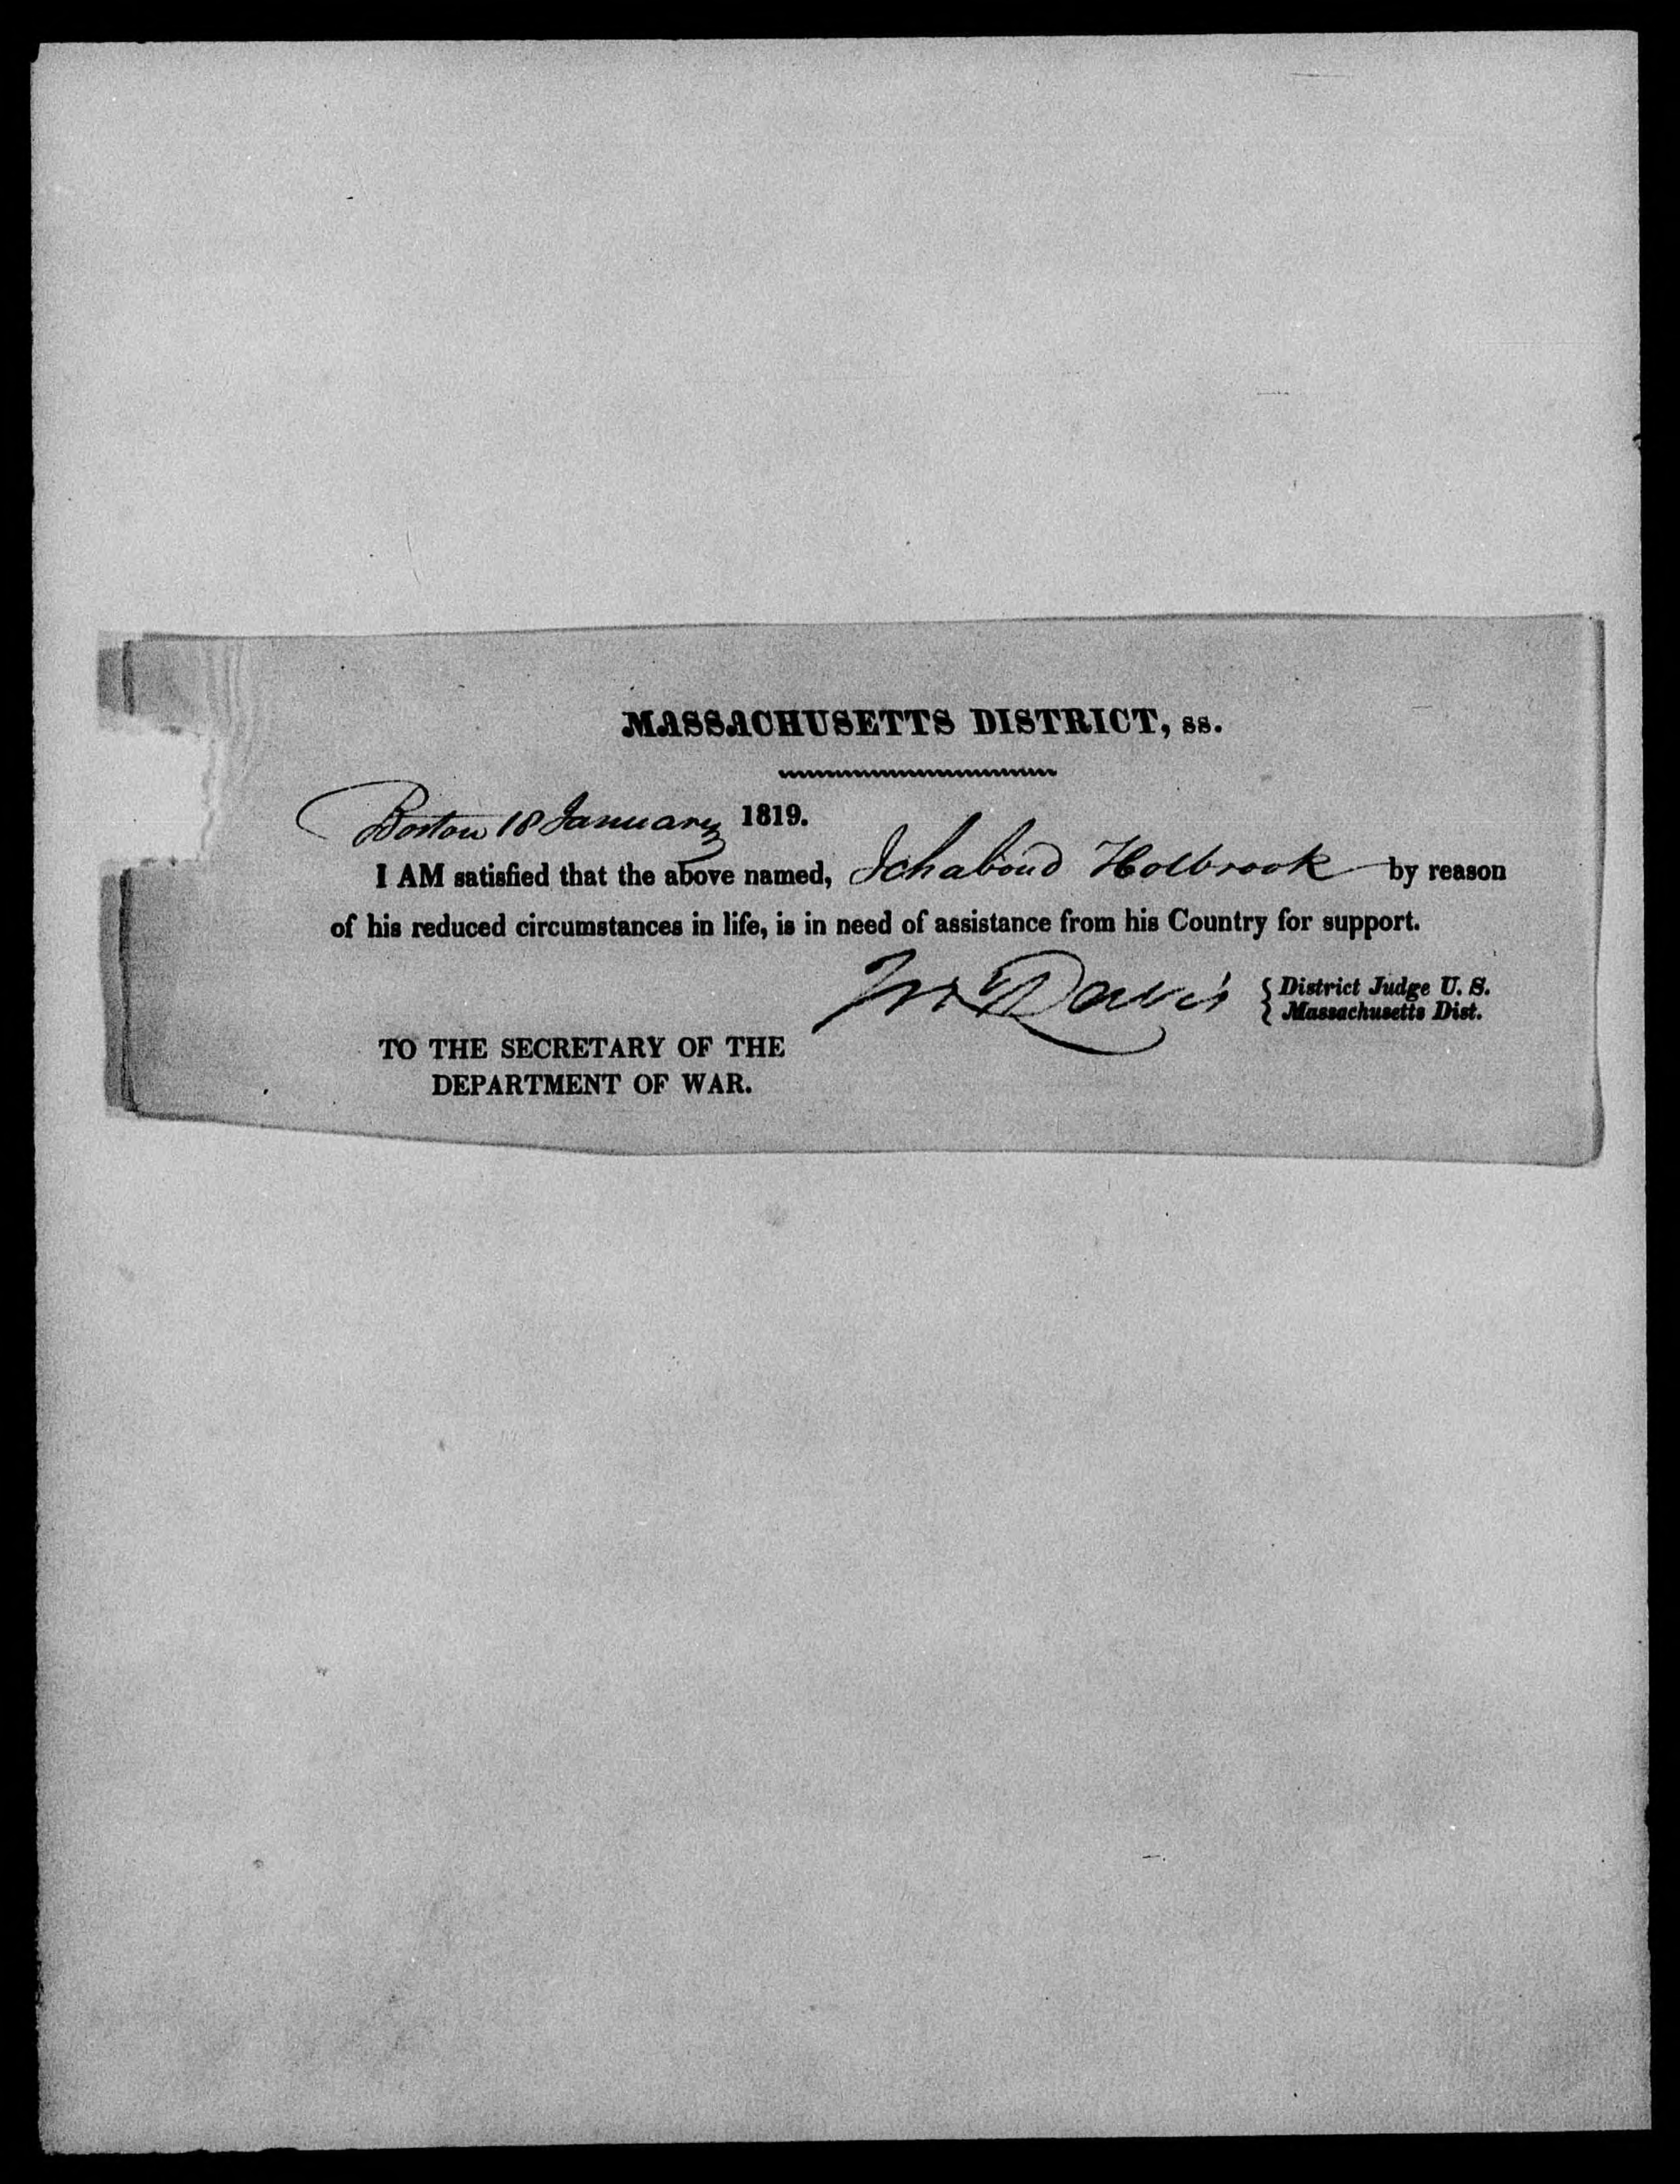MASSACHUSETTS DISTRICT, ss.

Boston 18 January 1819
I AM satisfied that the above named, Ichaboud Holbrook by reason of his reduced circumstances in life, is in need of assistance from his country for support. 

M Davis {District Judge U.S. Massachusetts Dist.

TO THE SECRETARY OF THE
DEPARTMENT OF WAR.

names: Jno Davis, Ichaboud Holbrook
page: 4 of 15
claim: survivor's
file: S. 32,852, Ichabod Holbrook, Continental Mass.